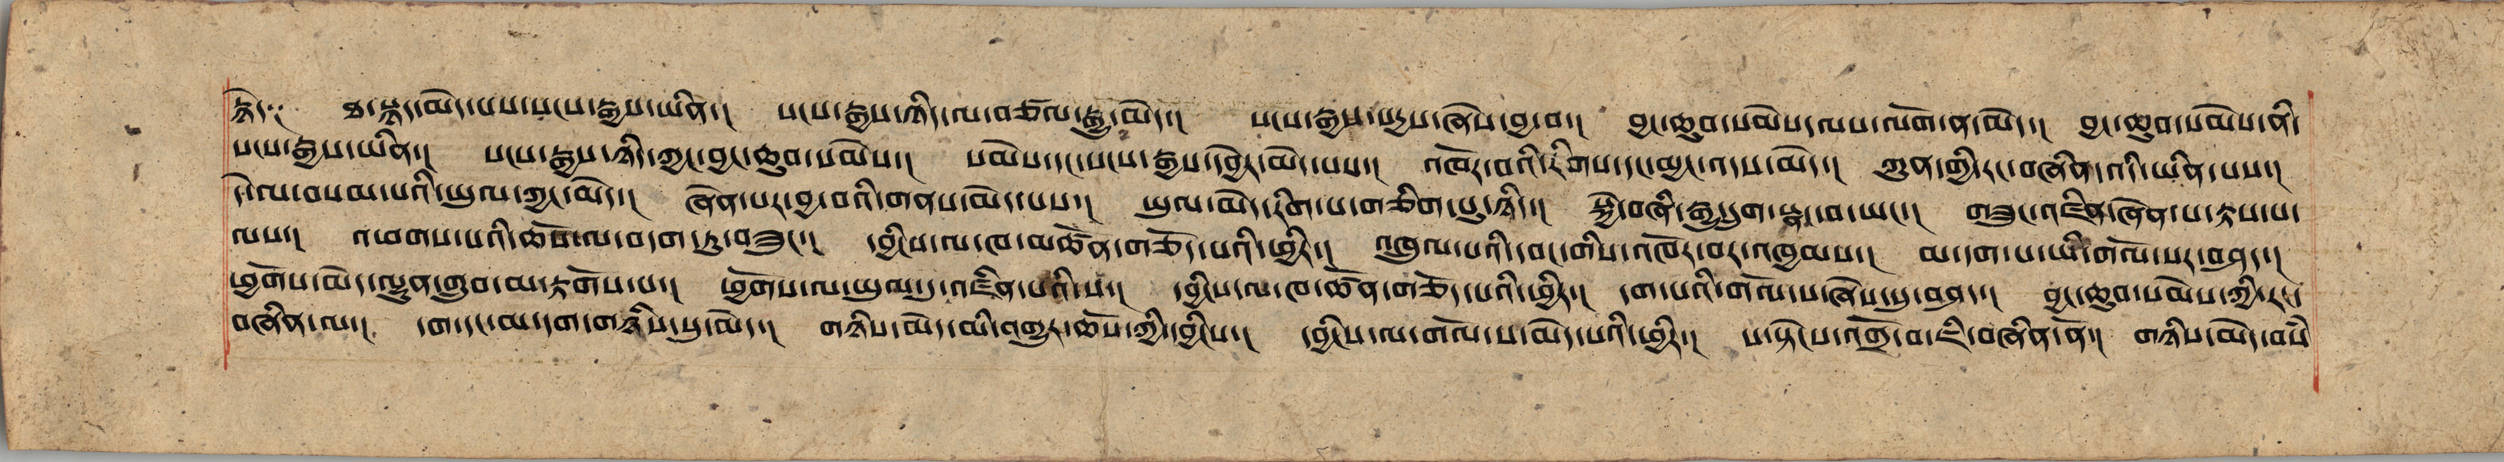རྙེད༑ ཐ་སྙད་མེད་པས་སངས་རྒྱས་ཡིན་། སངས་རྒྱས་ཉིད་ལ་བཙལ་རྒྱུ་མེད་། སངས་རྒྱས་སདྱས་ཞེས་བྱ་བ་། བྱང་ཆུབ་སེམས་ལས་ལོག་ན་མེད་། བྱང་ཆུབ་སེམས་ནི་
སངས་རྒྱས་ཡིན་། སངས་རྒྱས་ཉིད་ཀྱང་བྱང་ཆུབ་སེམས་། སེམས་དང་སངས་རྒྱས་དབྱེར་མེད་པས་། འཁོར་བའི་རིགས་དང་མྱང་འདས་མེད་། ཀུན་གྱི་རང་བཞིན་འདི་ཡིན་པས་།
དེ་ལ་བསམ་པའི་ཡུལ་ཀྱང་མེད་། ཞེན་པར་བྱ་བའི་གནས་མེད་པས་། ཡུལ་མེད་རིག་པ་གཅིག་པུ་ཉིད་། སྐྱེ་བཞི་རྒྱུ་དྲུག་སྣང་བ་ཡང་། གཟུང་འཛིན་ཞེན་པ་རྟས་པ་
ལས་། འཕགས་པའི་ཆོས་ལ་བདག་ཏུ་བཟུང་། དབྱིངས་ལ་ཁ་མཚོན་གཅོད་པའི་ཕྱིར་། འཁྲུལ་པའི་དབང་གིས་འཁོར་བར་འཁྱམས་། མ་དག་པ་ཡི་གོལ་སར་བཤད་།
ཕྱོགས་མེད་ལྷུན་གྲུབ་མ་རྟོགས་པ་། ཕྱོགས་ལ་ཡུལ་དུ་འཛིན་པའི་ས་། དབྱིངས་ལ་ཁ་ཚོན་གཅོད་པའི་ཕྱིར་། དག་པའི་གོལ་ས་ཞེས་སུ་བཤད་། བྱང་ཆུབ་སེམས་ཀྱི་རང་
བཞིན་ལ་། དག་དང་མ་དག་གཉིས་སུ་མེད་། གཉིས་མེད་མི་འགྱུར་ཆོས་ཀྱི་དབྱིངས་། དབྱིངས་ལ་གོལ་ས་མེད་པའི་ཕྱིར་། ས་སྟེངས་འགྲོ་བ་ཇི་བཞིན་ནོ་། གཉིས་མེད་བསཾ་